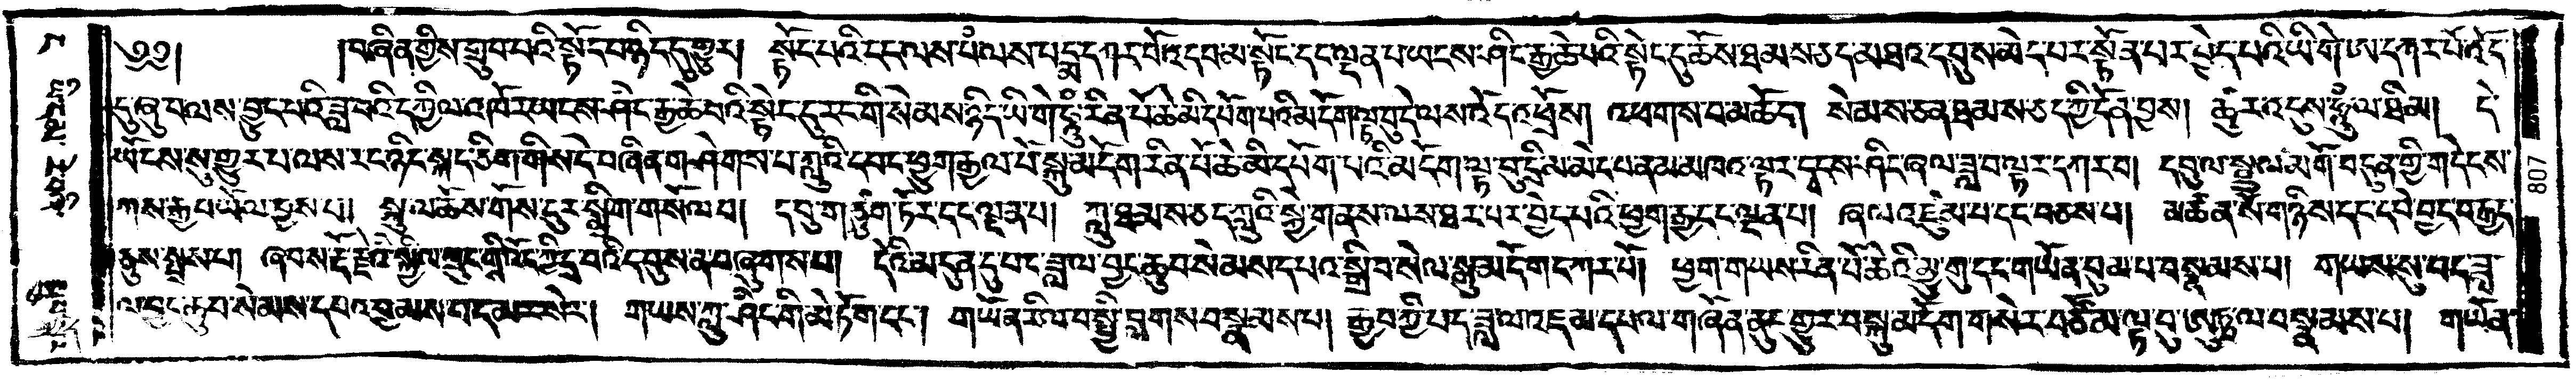༄༅། །བཞིན་གྱིས་གྲུབ་པའི་སྟོང་པ་ཉིད་དུ་གྱུར། སྟོང་པའི་ངང་ལས་པཾ་ལས་པདམ་དཀར་བོ་འདབ་མ་སྟོང་དང་ལྡན་པ་ཡངས་ཤིང་རྒྱ་ཆེ་བའི་སྟེང་དུ་ཆོས་ཐམས་ཅད་མཐའ་དབུས་མེད་པར་སྟོན་པར་བྱེད་པའི་ཡི་གེ་ཨ་དཀར་བོ་འོད་
དུ་ཞུ་པ་ལས་བྱུང་པའི་ཟླ་བའི་དཀྱིལ་འཁོར་ཡངས་ཤིང་རྒྱ་ཆེ་བའི་སྟེང་དུ་རང་གི་སེམས་ཉིད་ཡི་གེ་ཧཱུཾ་རིན་པོ་ཆེ་མི་དཔོག་པའི་མདོག་ལྟ་བུ་དེ་ལས་འོད་འཕྲོས། འཕགས་པ་མཆོད། སེམས་ཅན་ཐམས་ཅད་ཀྱི་དོན་བྱས། ཚུར་འདུས་ཧཱུཾ་ལ་ཐིམ། དེ་
ཡོངས་སུ་གྱུར་པ་ལས་རང་ཉིད་སྐད་ཅིག་གིས་དེ་བཞིན་གཤེགས་པ་ཀླུའི་དབང་ཕྱུག་རྒྱལ་པོ་སྐུ་མདོག་རིན་པོ་ཆེ་མི་དཔོག་པའི་མདོག་ལྟ་བུ་དྲི་མ་མེད་པ་ནམ་མཁའ་ལྟར་དྭངས་ཤིང་ཞལ་ཟླ་བ་ལྟར་དཀར་བ། དབུལ་སྦྲུལ་མགོ་བདུན་གྱི་གདེངས་
ཀས་རྒྱབ་ཡོལ་བྱས་པ། སྐུ་ལ་ཆོས་གོས་དུར་སྨྲིག་གསོལ་པ། དབུ་གཙུག་ཏོར་དང་ལྡན་པ། ཀླུ་ཐམས་ཅད་ཀླུའི་སྐྱེ་གནས་ལས་ཐར་པར་བྱེད་པའི་ཕྱག་རྒྱ་དང་ལྡན་པ། ཞལ་འཛུམ་པ་དང་བཅས་པ། མཚན་སོ་གཉིས་དང་དཔེ་བྱད་བརྒྱད་
ཅུས་སྤྲས་པ། ཞབས་རྡོ་རྗེའི་སྐྱིལ་ཀྲུང་གིས་འོད་ཀྱི་དྲ་བའི་དབུས་ན་བཞུགས་པ། དེའི་མདུན་དུ་པང་ཟླ་ལ་བྱང་ཆུབ་སེམས་དཔའ་སྒྲིབ་སེལ་སྐུ་མདོག་དཀར་པོ། ཕྱག་གཡས་རིན་པོ་ཆེའི་མྱུ་གུ་དང་གཡོན་བུམ་པ་བསྣམས་པ། གཡས་སུ་པད་ཟླ་
ལ་བྱང་ཆུབ་སེམས་དཔའ་བྱམས་པ་དམར་སེར། གཡས་ཀླུ་ཤིང་གི་མེ་ཏོག་དང་། གཡོན་རིལ་བ་སྦྱི་བླུགས་བསྣམས་པ། རྒྱབ་ཀྱི་པད་ཟླ་ལ་འཇམ་དཔལ་གཞོན་ནུར་གྱུར་པ་སྐུ་མདོག་གསེར་བཙོ་མ་ལྟ་བུ་ཨུཏྤལ་བསྣམས་པ། གཡོན་